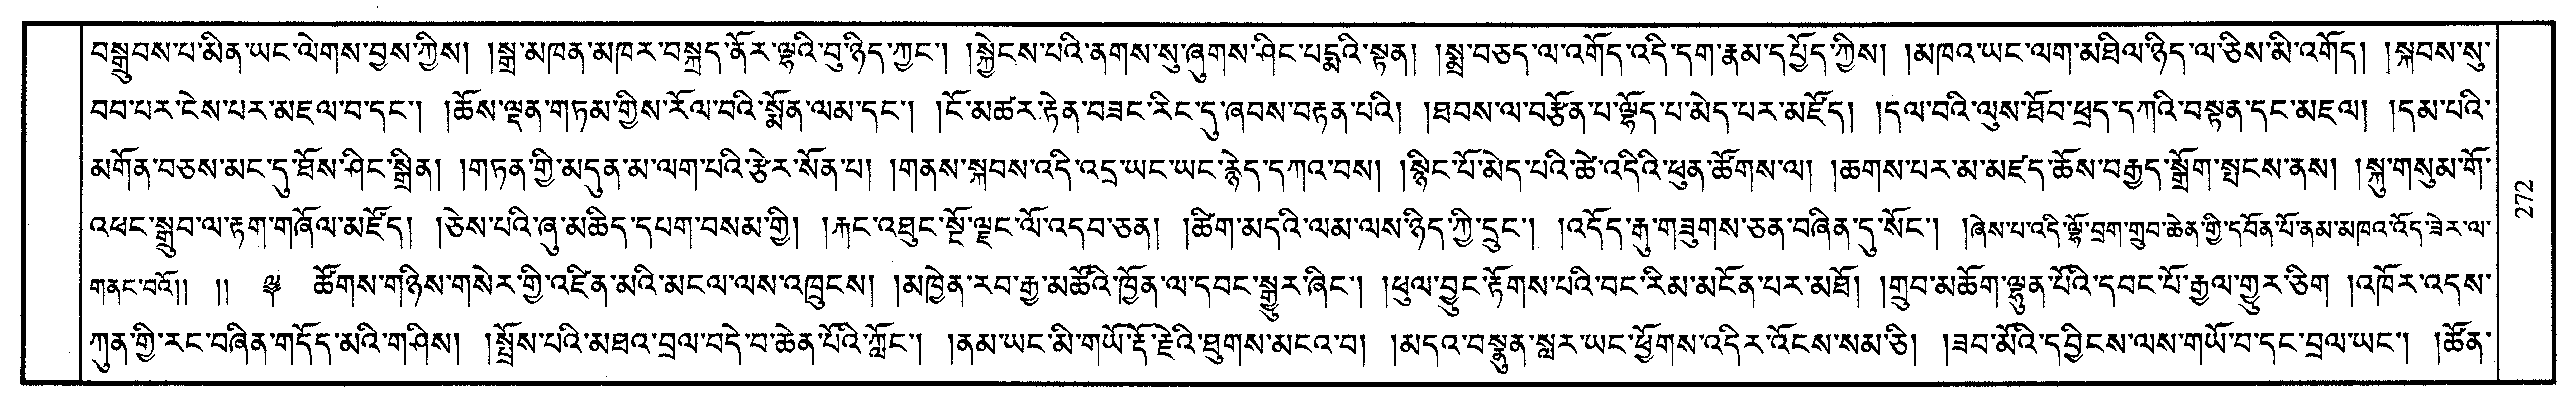བསྒྲུབས་པ་མིན་ཡང་ལེགས་བྱས་ཀྱིས། །སྒྲ་མཁན་མཁར་བསྐྲད་ནོར་ལྷའི་བུ་ཉིད་ཀྱང་། །སྐྱེངས་པའི་ནགས་སུ་ཞུགས་ཤིང་པདམའི་སྟན། །སྨྲ་བཅད་ལ་འགོད་འདི་དག་རྣམ་དཔྱོད་ཀྱིས། །མཁའ་ཡང་ལག་མཐིལ་ཉིད་ལ་ཅིས་མི་འགོད། །སྐབས་སུ་
བབ་པར་ངེས་པར་མཇལ་བ་དང་། །ཆོས་ལྡན་གཏམ་གྱིས་རོལ་བའི་སྨོན་ལམ་དང་། །ངོ་མཚར་རྟེན་བཟང་རིང་དུ་ཞབས་བརྟན་པའི། །ཐབས་ལ་བརྩོན་པ་ལྷོད་པ་མེད་པར་མཛོད། །དལ་བའི་ལུས་ཐོབ་ཕྲད་དཀའི་བསྟན་དང་མཇལ། །དམ་པའི་
མགོན་བཅས་མང་དུ་ཐོས་ཤིང་སྒྲིན། །གཏན་གྱི་མདུན་མ་ལག་པའི་རྩེར་སོན་པ། །གནས་སྐབས་འདི་འདྲ་ཡང་ཡང་རྙེད་དཀའ་བས། །སྙིང་པོ་མེད་པའི་ཚེ་འདིའི་ཕུན་ཚོགས་ལ། །ཆགས་པར་མ་མཛད་ཆོས་བརྒྱད་སྒྲོག་སྤངས་ནས། །སྐུ་གསུམ་གོ་
འཕང་སྒྲུབ་ལ་རྟག་གཞོལ་མཛོད། །ཅེས་པའི་ཞུ་མཆིད་དཔག་བསམ་གྱི། །རྐང་འཐུང་སྔོ་ལྗང་ལོ་འདབ་ཅན། །ཚིག་མདའི་ལམ་ལས་ཉིད་ཀྱི་དྲུང་། །འདོད་རྒུ་གཟུགས་ཅན་བཞིན་དུ་སོང་། །ཞེས་པ་འདི་ལྷོ་བྲག་གྲུབ་ཆེན་གྱི་དབོན་པོ་ནམ་མཁའ་འོད་ཟེར་ལ་
གནང་བའོ།། །། ༈ ཚོགས་གཉིས་གསེར་གྱི་འཛིན་མའི་མངལ་ལས་འཁྲུངས། །མཁྱེན་རབ་རྒྱ་མཚོའི་ཁྱོན་ལ་དབང་སྒྱུར་ཞིང་། །ཕུལ་བྱུང་རྟོགས་པའི་བང་རིམ་མངོན་པར་མཐོ། །གྲུབ་མཆོག་ལྷུན་པོའི་དབང་པོ་རྒྱལ་གྱུར་ཅིག །འཁོར་འདས་
ཀུན་གྱི་རང་བཞིན་གདོད་མའི་གཤིས། །སྤྲོས་པའི་མཐའ་བྲལ་བདེ་བ་ཆེན་པོའི་ཀློང་། །ནམ་ཡང་མི་གཡོ་རྡོ་རྗེའི་ཐུགས་མངའ་བ། །མདའ་བསྣུན་སླར་ཡང་ཕྱོགས་འདིར་འོངས་སམ་ཅི། །ཟབ་མོའི་དབྱིངས་ལས་གཡོ་བ་དང་བྲལ་ཡང་། །ཚོན་